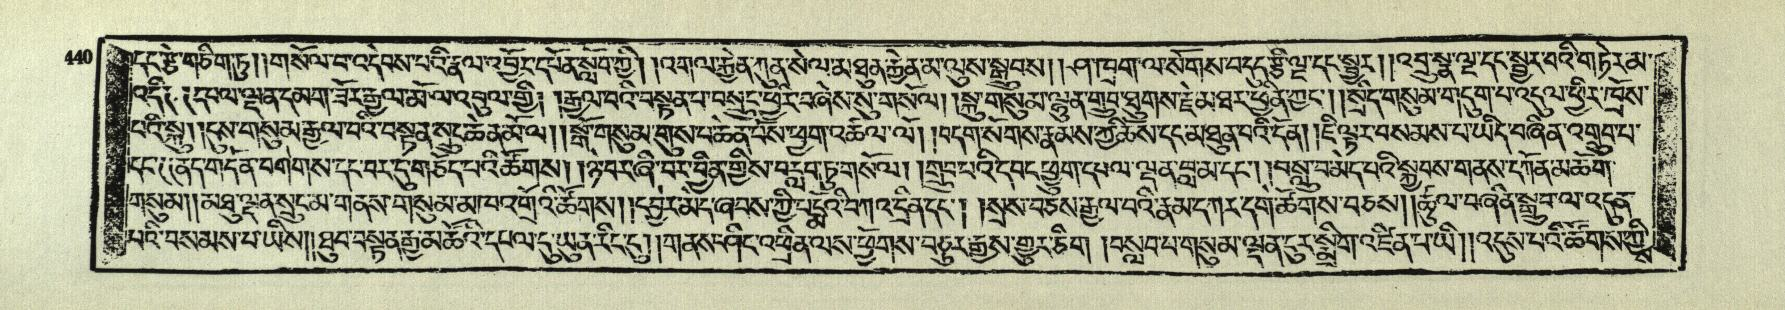དང་རྩེ་གཅིག་ཏུ། །གསོལ་བ་འདེབས་པའི་རྣལ་འབྱོར་དཔོན་སློབ་ཀྱི། །འགལ་རྐྱེན་ཀུན་སེལ་མཐུན་རྐྱེན་མ་ལུས་སྒྲུབས། །ཤ་ཁྲག་ལ་སོགས་བདུད་རྩི་ལྔ་དང་སྦྱར། །འབྲུ་སྣ་ལྔ་དང་སྦྱར་བའི་གཏེར་མ་
འདི༑ ༑དཔལ་ལྡན་དམག་ཟོར་རྒྱལ་མོ་ལ་འབུལ་གྱི། །རྒྱལ་བའི་བསྟན་པ་བསྲུང་ཕྱིར་བཞེས་སུ་གསོལ། །སྐུ་གསུམ་ལྷུན་གྲུབ་ཐུགས་རྗེ་མཐར་ཕྱིན་ཀྱང་། །སྲིད་གསུམ་གདུག་པ་འདུལ་ཕྱིར་ཁྲོས་
པའི་སྐུ། །དུས་གསུམ་རྒྱལ་བའི་བསྟན་སྲུང་ཆེན་མོ་ལ། །སྒོ་གསུམ་གུས་པ་ཆེན་པོས་ཕྱག་འཚལ་ལོ། །བདག་སོགས་རྣམས་ཀྱི་ཆོས་དང་མཐུན་པའི་དོན། །ཇི་ལྟར་བསམས་པ་ཡིད་བཞིན་འགྲུབ་པ་
དང༑ ༑ནད་གདོན་བགེགས་དང་བར་དུ་གཅོད་པའི་ཚོགས། །ཉེ་བར་ཞི་བར་བྱིན་གྱིས་བརླབ་ཏུ་གསོལ། །གྲུབ་པའི་དབང་ཕྱུག་དཔལ་ལྡན་བླ་མ་དང་། །བསླུ་བ་མེད་པའི་སྐྱབས་གནས་དཀོན་མཆོག་
གསུམ། །མཐུ་ལྡན་སྲུང་མ་གནས་གསུམ་མཁའགྲོའི་ཚོགས། །དབྱེར་མེད་ཞབས་ཀྱི་པདམོའི་བཀའ་དྲིན་དང་། །སྲས་བཅས་རྒྱལ་བའི་རྣམ་དཀར་དགེ་ཚོགས་བཅས། །ཚུལ་བཞིན་སྒྲུབ་ལ་འདུན་
པའི་བསམས་པ་ཡིས། །ཐུབ་བསྟན་རྒྱ་མཚོའི་དཔལ་དུ་ཡུན་རིང་དུ། །གནས་ཤིང་འཕྲིན་ལས་ཕྱོགས་བཅུར་རྒྱས་གྱུར་ཅིག །བསླབ་པ་གསུམ་ལྡན་ངུར་སྨྲིག་འཛིན་པ་ཡི། །འདུས་པའི་ཚོགས་ཀྱིས་